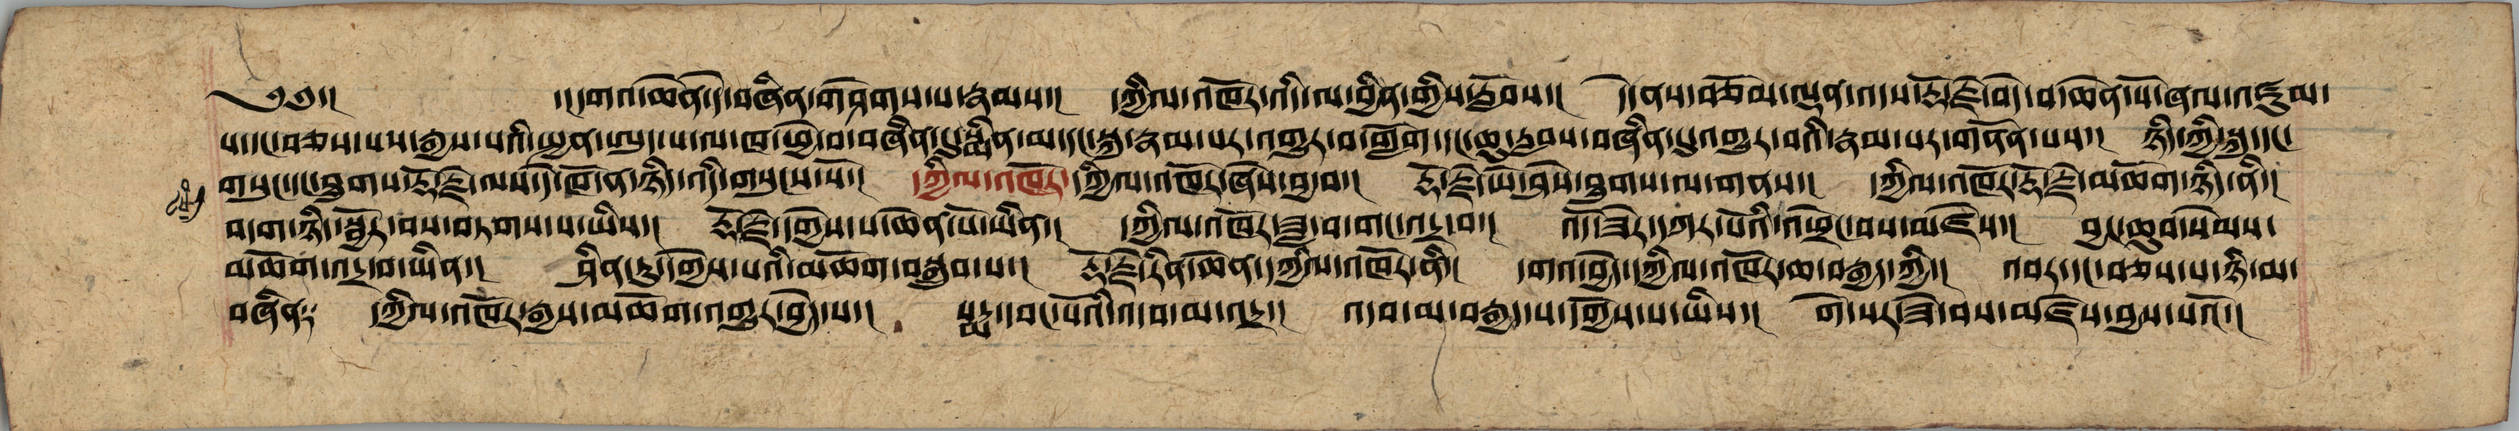༄༅་། ་།དགའ་ཆེན་དེ་བཞིན་གཤེགས་པ་རྣམས་། དཀྱིལ་འཁོར་འདི་ལ་བྱིན་གྱིས་རློབས་། དེ་ནས་བཅོམ་ལྡན་འདས་རྡོ་རྗེ་བདེ་བ་ཆེན་པོ་ཞལ་འཛུམ་
པ་དང་བཅས་པས་རྒྱས་པའི་སྤྱན་ཨུད་པ་ལ་ཁ་ཕྱེ་བ་བཞིན་དུ་སྨིན་མ་དང་སྐུ་རྣམ་པར་འགྱུར་བ་གློག་དང་ཆུ་རླབས་འཞིན་དུ་འགྱུར་བའི་རྣམ་པར་གནོན་པས་། ཉིད་ཀྱི་སྐུ་དང་
གསུང་དང་ཐུགས་རྡོ་རྗེ་ལས་དེ་ཁོ་ན་ཉིད་འདི་གསུངས་སོ་། དཀྱིལ་འཁོར་དཀྱིལ་འཁོར་ཞེས་བྱ་བ་། རྡོ་རྗེ་ཡེ་ཤེས་ཐུགས་ལ་གནས་། དཀྱིལ་འཁོར་རྡོ་རྗེ་མཆོག་ཉིད་ནི་།
བདག་ཉིད་སྦྱོར་བས་བཏགས་པ་ཡིས་། རྡོ་རྗེ་དགྱེས་པ་ཆེན་པོ་ཡིན་། དཀྱིལ་འཁོར་ཟླ་བ་གང་འདྲ་བ་། འོད་ཟེར་དཀར་པོའི་འཕྲེང་བས་མཛེས་། བྱང་ཆུབ་སེམས་
མཆོག་འདྲ་བ་ཡིན་། ཤིན་ཏུ་དགྱེས་པའི་མཆོག་བསྒྲུབ་པ་། རྡོ་རྗེ་རིན་ཆེན་དཀྱིལ་འཁོར་ནི་། དགའ་བྱེད་དཀྱིལ་འཁོར་ཆ་བརྒྱད་ཀྱི་། འབར་དང་བཅས་པ་ཉི་མ་
བཞིན༑ དཀྱིལ་འཁོར་རྒྱས་མཆོག་འགྱུར་བྱེད་པ་། པདྨ་དབང་པོའི་འདབ་མ་འདྲ་། འདབ་མ་བརྒྱད་པ་དགྱེས་པ་ཡིས་། གེ་སར་ཟེ་བས་མཛེས་བྱས་པའོ་།